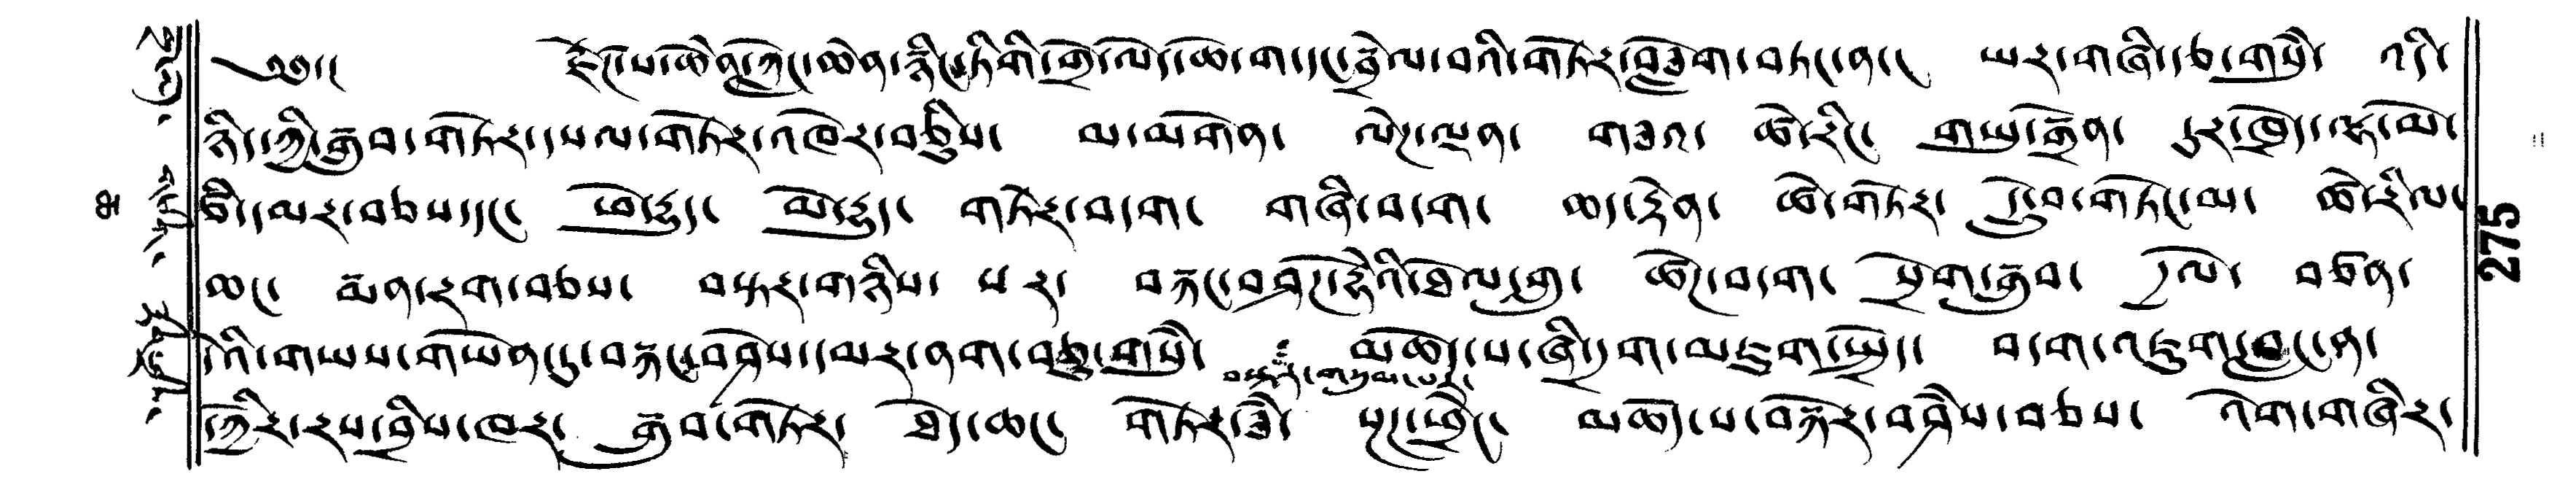༄༅། རྫོགས་པ་ཆེན་པོ་ཀློང་ཆེན་སྙིང་ཏིག་གི་གྲོ་ལོད་ཆོ་ག་དང་སྦྲེལ་བའི་གཏོར་བཟློག་བཏང་ན། ཡར་གཞིར་རྩ་གསུམ། འདི་
ཉིད་ཀྱི་སྒྲུབ་གཏོར་དཔལ་གཏོར་འཁོར་བཅུ་གཉིས། མ་མགོན། ལེགས་ལྡན། གཟའ། ཚེ་རིང་། གཡུ་སྒྲོན། དུར་ཁྲོད་ལྷ་མོ་
ཙི་དམར་བཅས་དང་། ཕོ་རྒྱུད། མོ་རྒྱུད། གཏེར་བདག གཞི་བདག ཆད་བརྟན། ཚེ་གཏོར། དངོས་གྲུབ་གཏོར་མ། ཚེ་རིལ། 
ཚེ་ཆང་། སྨན་རཀ་བཅས། བསྟར་གཉིས་པར། སྐོང་བཤགས་རྡོ་རྗེའི་ཐོལ་གླུ། ཚོགས་བདག སྲོག་སྒྲུབ། རྒྱལ་པོ། བཙན། 
དེའི་གཡས་གཡོན་དུ་བསྐང་བཤོས་དམར་ནག་བཅུ་གསུམ། བསྟར་གསུམ་པར། མཆོད་པ་ཞི་དྲག་མཇུག་སྤྲོད། བདག་འཇུག་བླང་ན། 
དཀྱིལ་འཁོར་རས་བྲིས་ཁར། སྒྲུབ་གཏོར། ཐོད་ཆང་། གཏོར་ཟན། སྔགས་ཕྲེང་། མཆོད་པ་བསྐོར་བཤམས་བཅས། འོག་གཞིར་